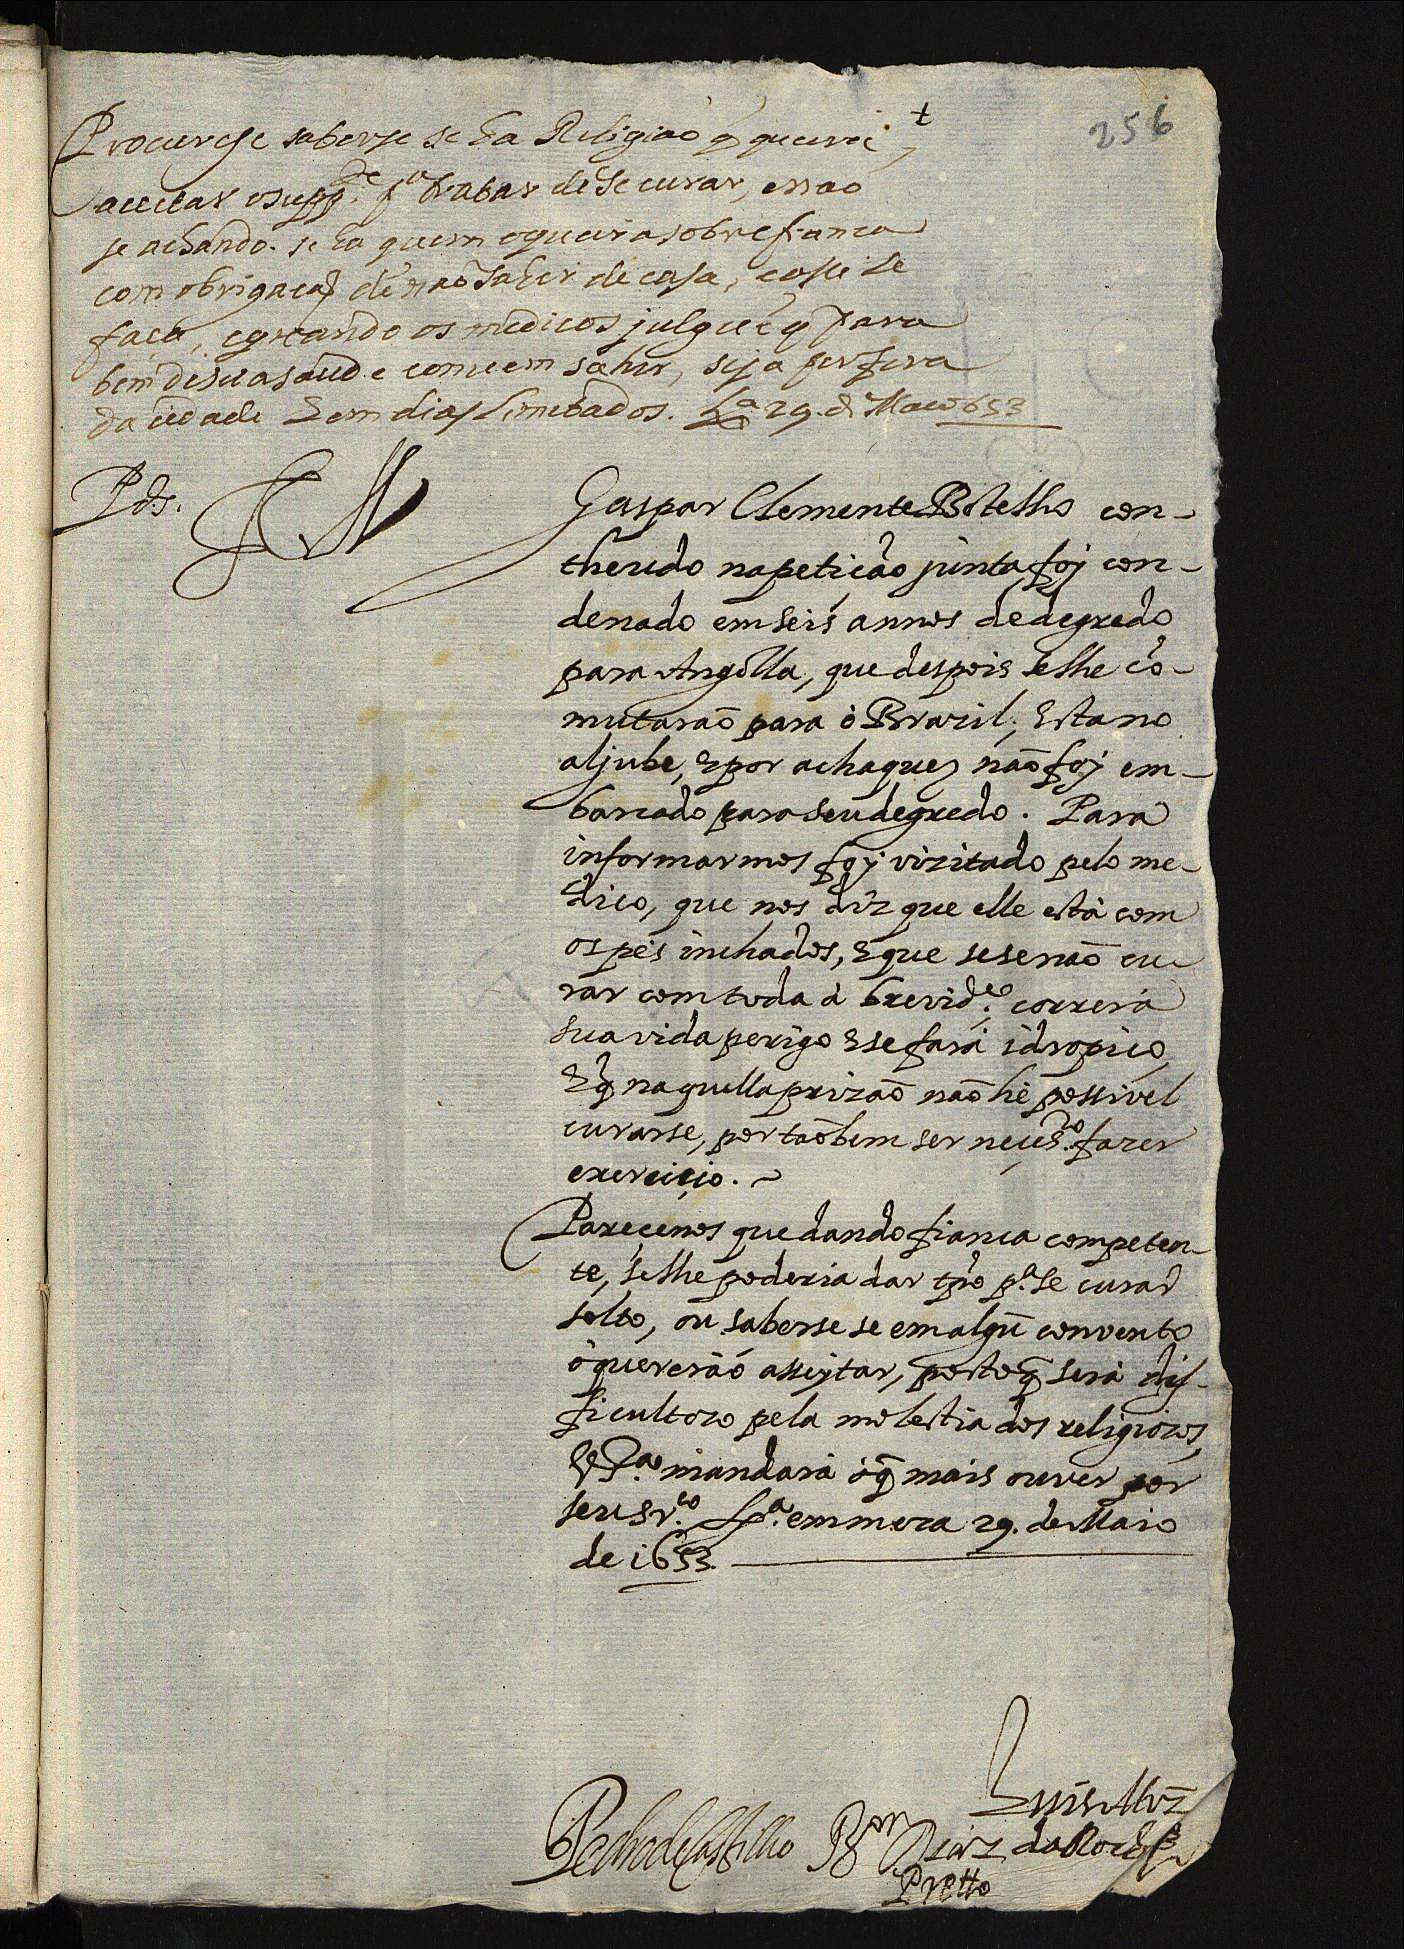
Procurese saberse se ha Religiaõ q̄ queira
aceitar o supp.te pa tratar de se curar, e naõ
se achando. se ha quem o queira sobre fiança
com obrigaçaõ de naõ sahir de casa, e assi se
faça, e quando os medicos julguē q̄ para
bem de sua saude conuem sahir, seja por fora
da cidade E em dias limitados. Lxa 29. de Maio 653
Pds.
Gaspar Clemente Botelho con
theudo na petiçaõ junta, foy con
denado em seis annos de degredo
para Angolla, que despois se lhe cō
mutaraõ para o Brazil, Esta no
aljube, E por achaques naõ foy em
barcado para seu degredo. Para
informarmos foy vizitado pelo me
dico, que nos diz que elle está com
os pes inchados, E que se senão cu
rar com toda a brevid.e, correrá
sua vida perigo e se fará idropico,
E q̄ naquella prizaõ naõ hè possivel
curarse, por taõbem ser neces.ro fazer
exercicio.
Parecenos que dando fiança competen
te, se lhe poderia dar tp̄o p.a se curar
solto, ou saberse se em algū convento
o quereráõ asseytar, posto q̄ será dif
ficultozo pela molestia dos religiozos,
V s.ra mandará o q̄ mais ouver por
seu sr.ço Lx.a em meza 29. de Maio
de i653.
Luis Alvz̄
Pedro de Castilho Bar Diaz da Rocha
Pretto
